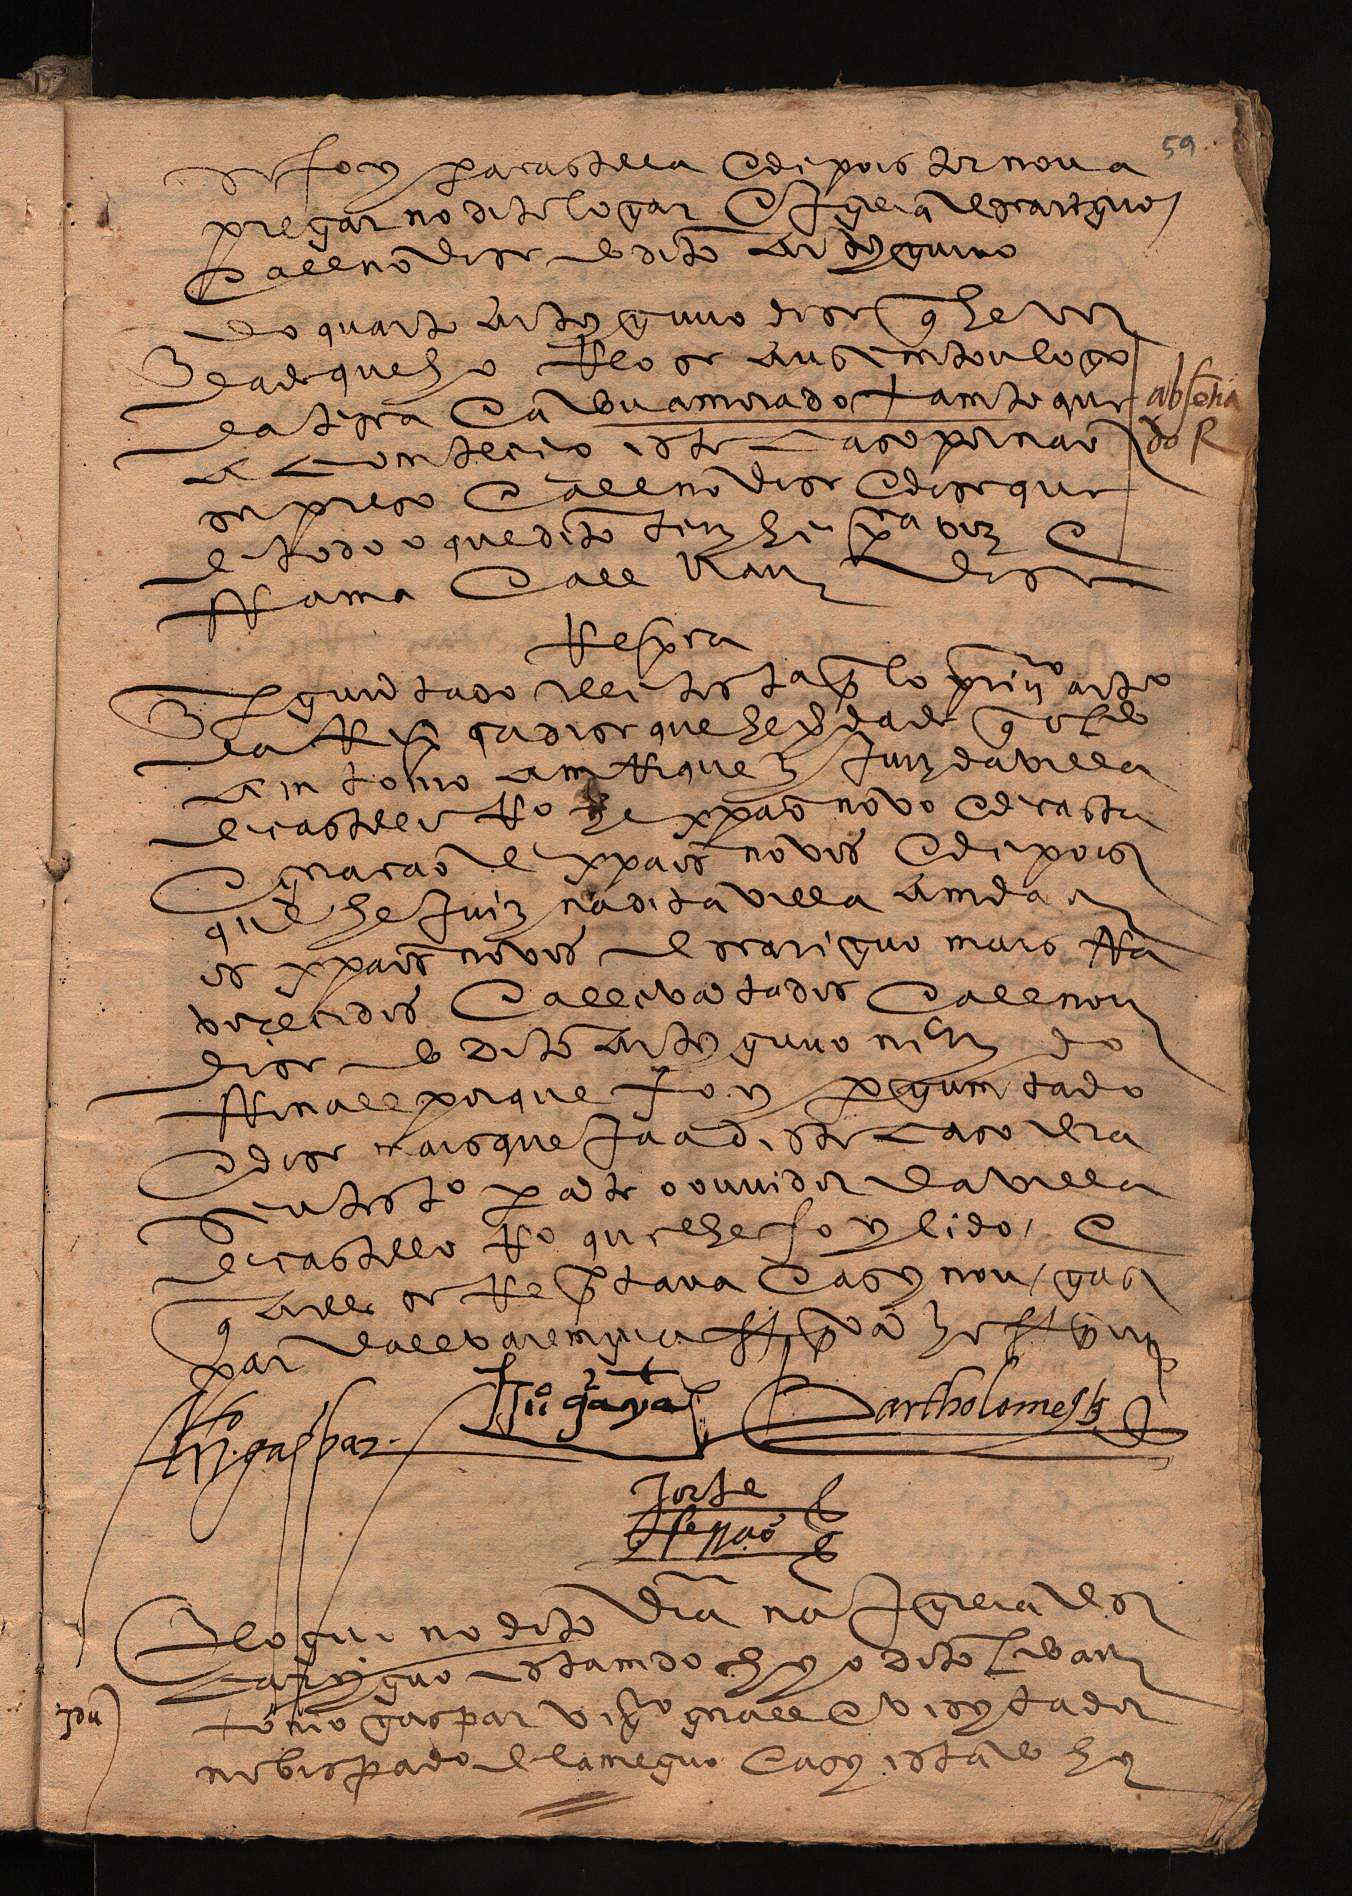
se foy ꝑa castella e depois tornou a
pregar no dito logar e Jgreia descarēguo
e all nō dise do dito artyguuo
item do quarto artyguuo dise q̄ he ver
dade que ho Reo se ausemtou logo
da terra e ādou amorado tamto que
acomteçeo este caso por naõ
ser preso e all nō dise e dise que
de todo o que dit̄o tem he p̄ca voz e
ffama e all Nam dise
Rep̄ca
item ꝑguntado elle testa p̄lo primro arto
da Rep̄ca dise que he ꝟdade q̄ o Ldo
amtonio amRiquez Juiz da villa
de castello Ro he xpaõ novo e de casta
e geracaõ de xpaos̄ novos e depois
que he Juiz na dita villa amdam
os xpaõs novos descariguo mais ffa
vorecidos e allavātados e all nom
dise do Dito artyguuo nem do
ffinall porque foy ꝑgumtado
e dise mais que Jaa deste caso dera
seu testo ꝑāte o ouuidor da villa
de castello Ro que lhe foy lido / e
q̄ a elle se Rep̄otaua e asynou / gas
par dallvaremgua stp̄vā ho stp̄vj
E loguo no dito dia na Jgreia des
Caryguo estamdo hy o dito Ldo am
tonio gaspar vigro gerall e visytador
no bispado de lameguo e asy estādo hy
absētia
do R
